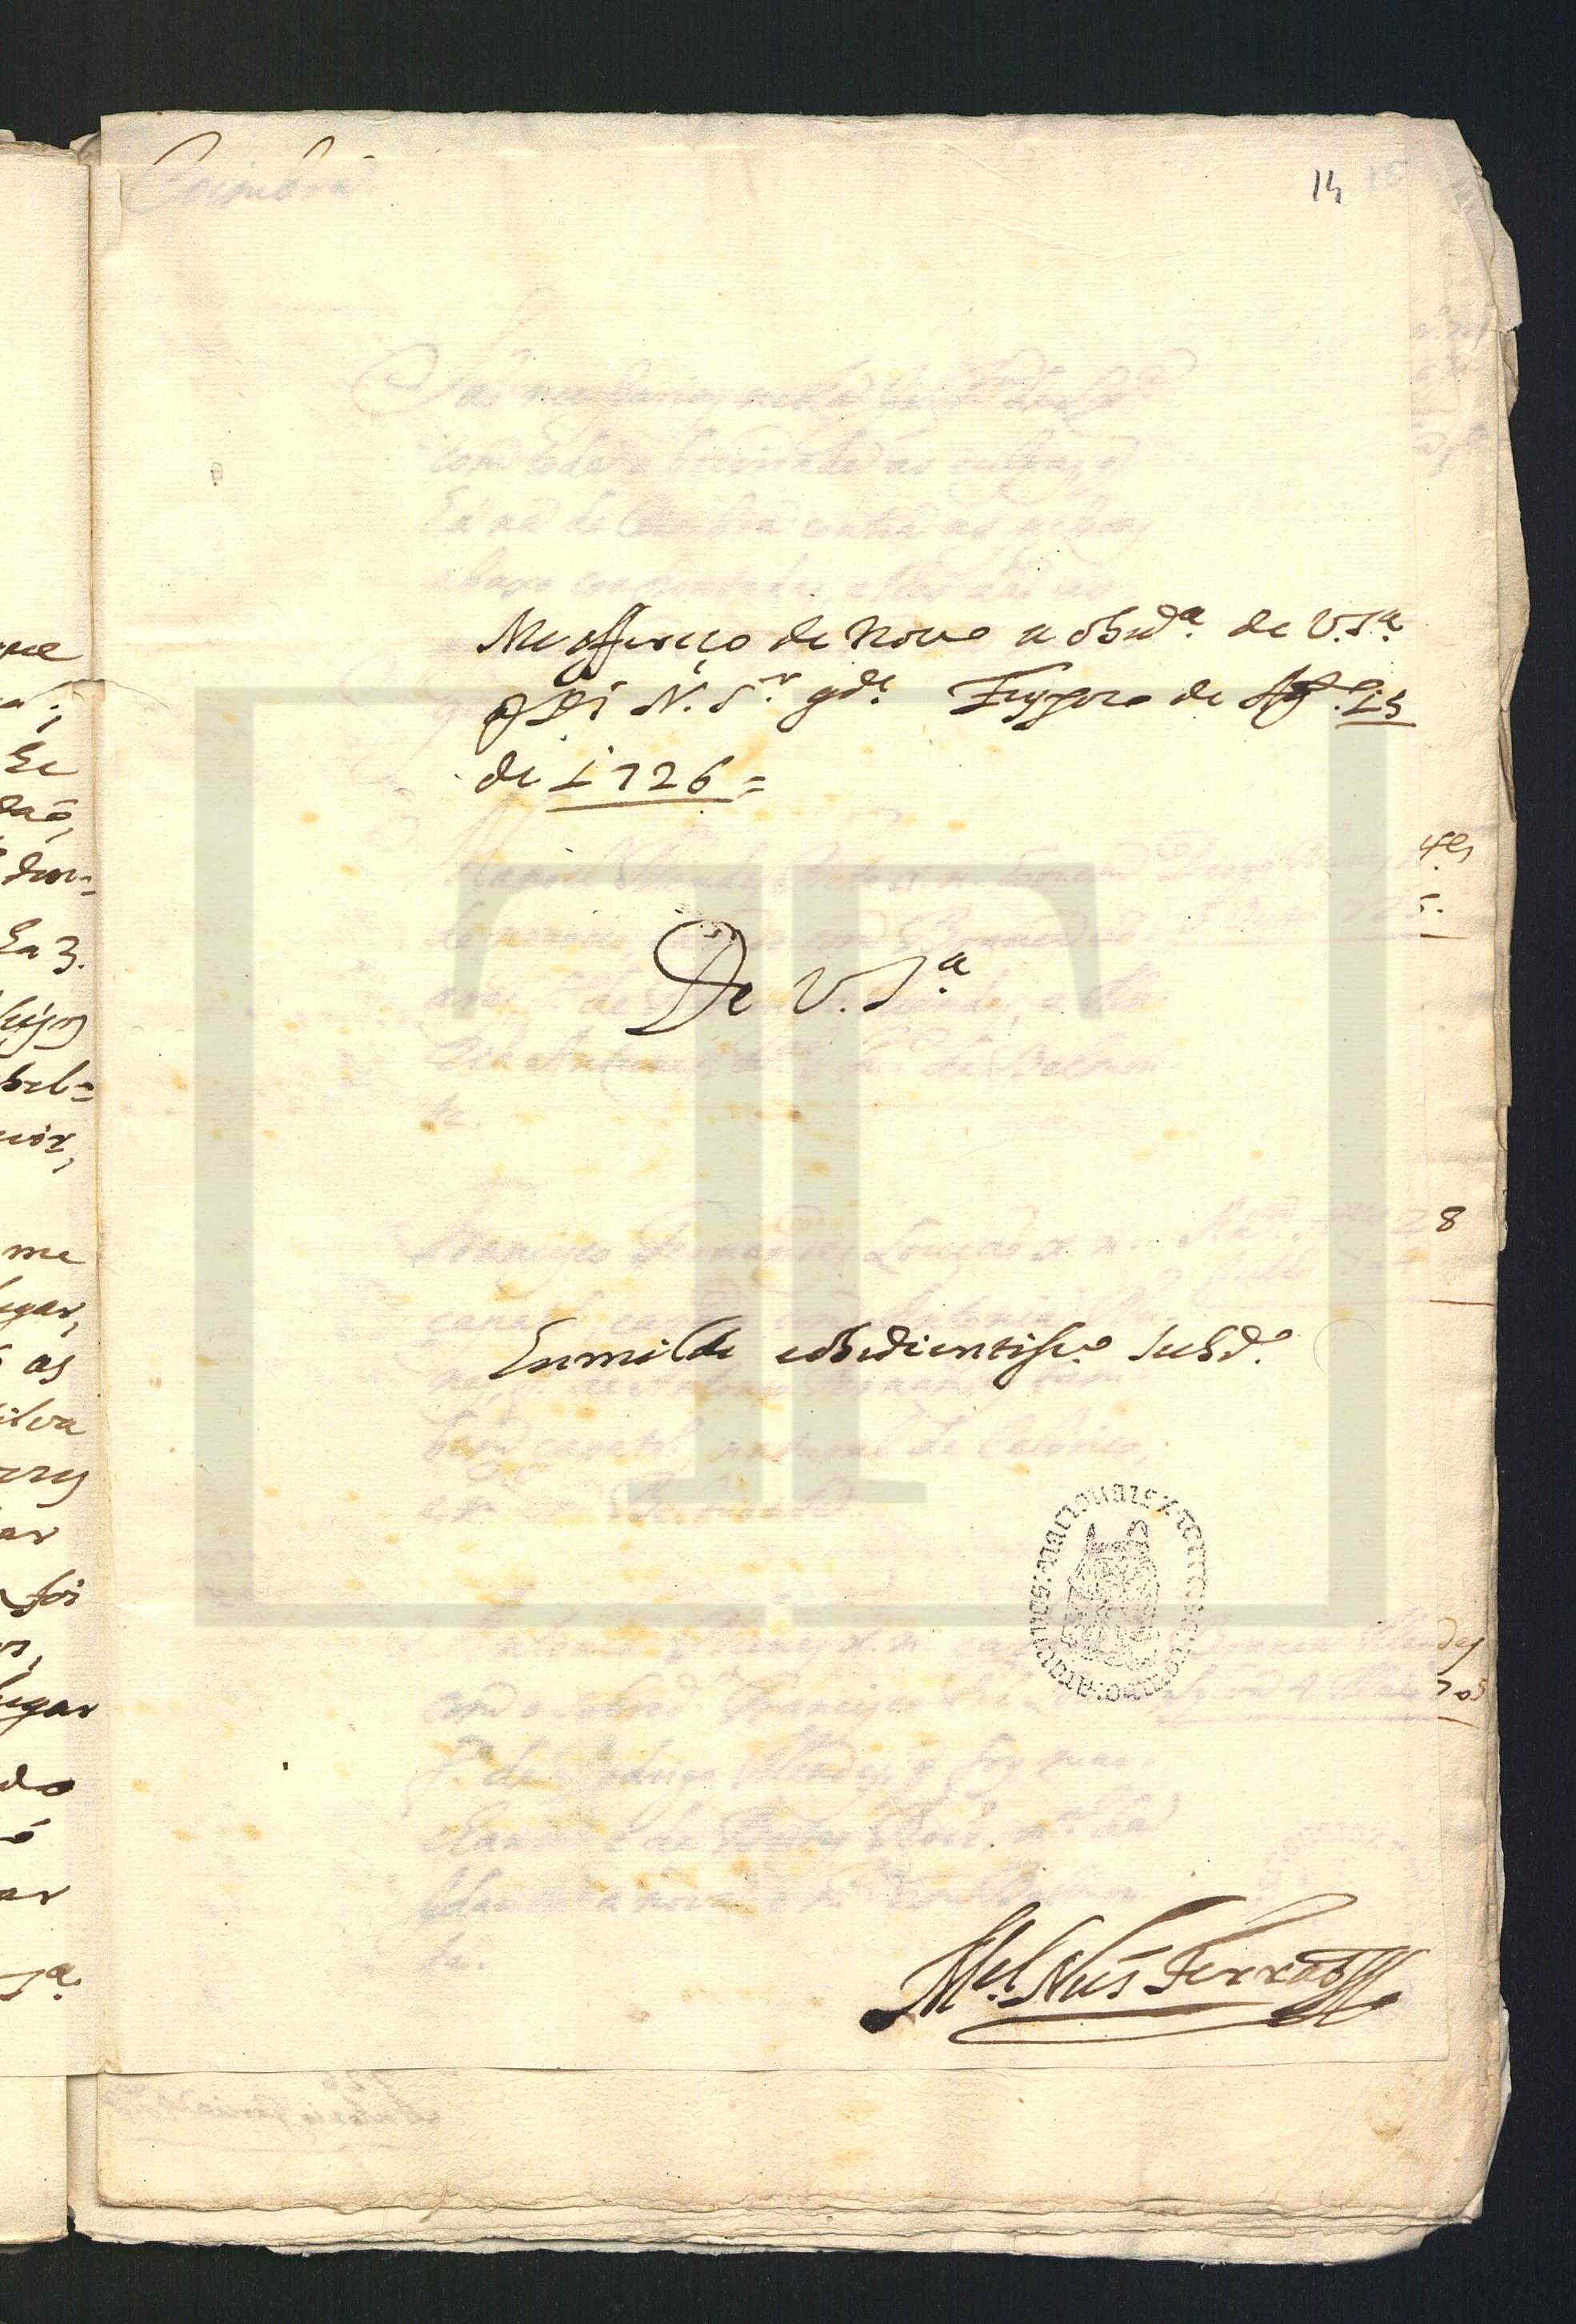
Me offereço de nouo a obu.a de V. S.a
q̄ Ds̄ N. s.or gd.e Teyxozo de Ag.to i5
de i726
De V. S.a
humilde e obedientiss.o subd.o
M.el Nus̄ Ferraõ
